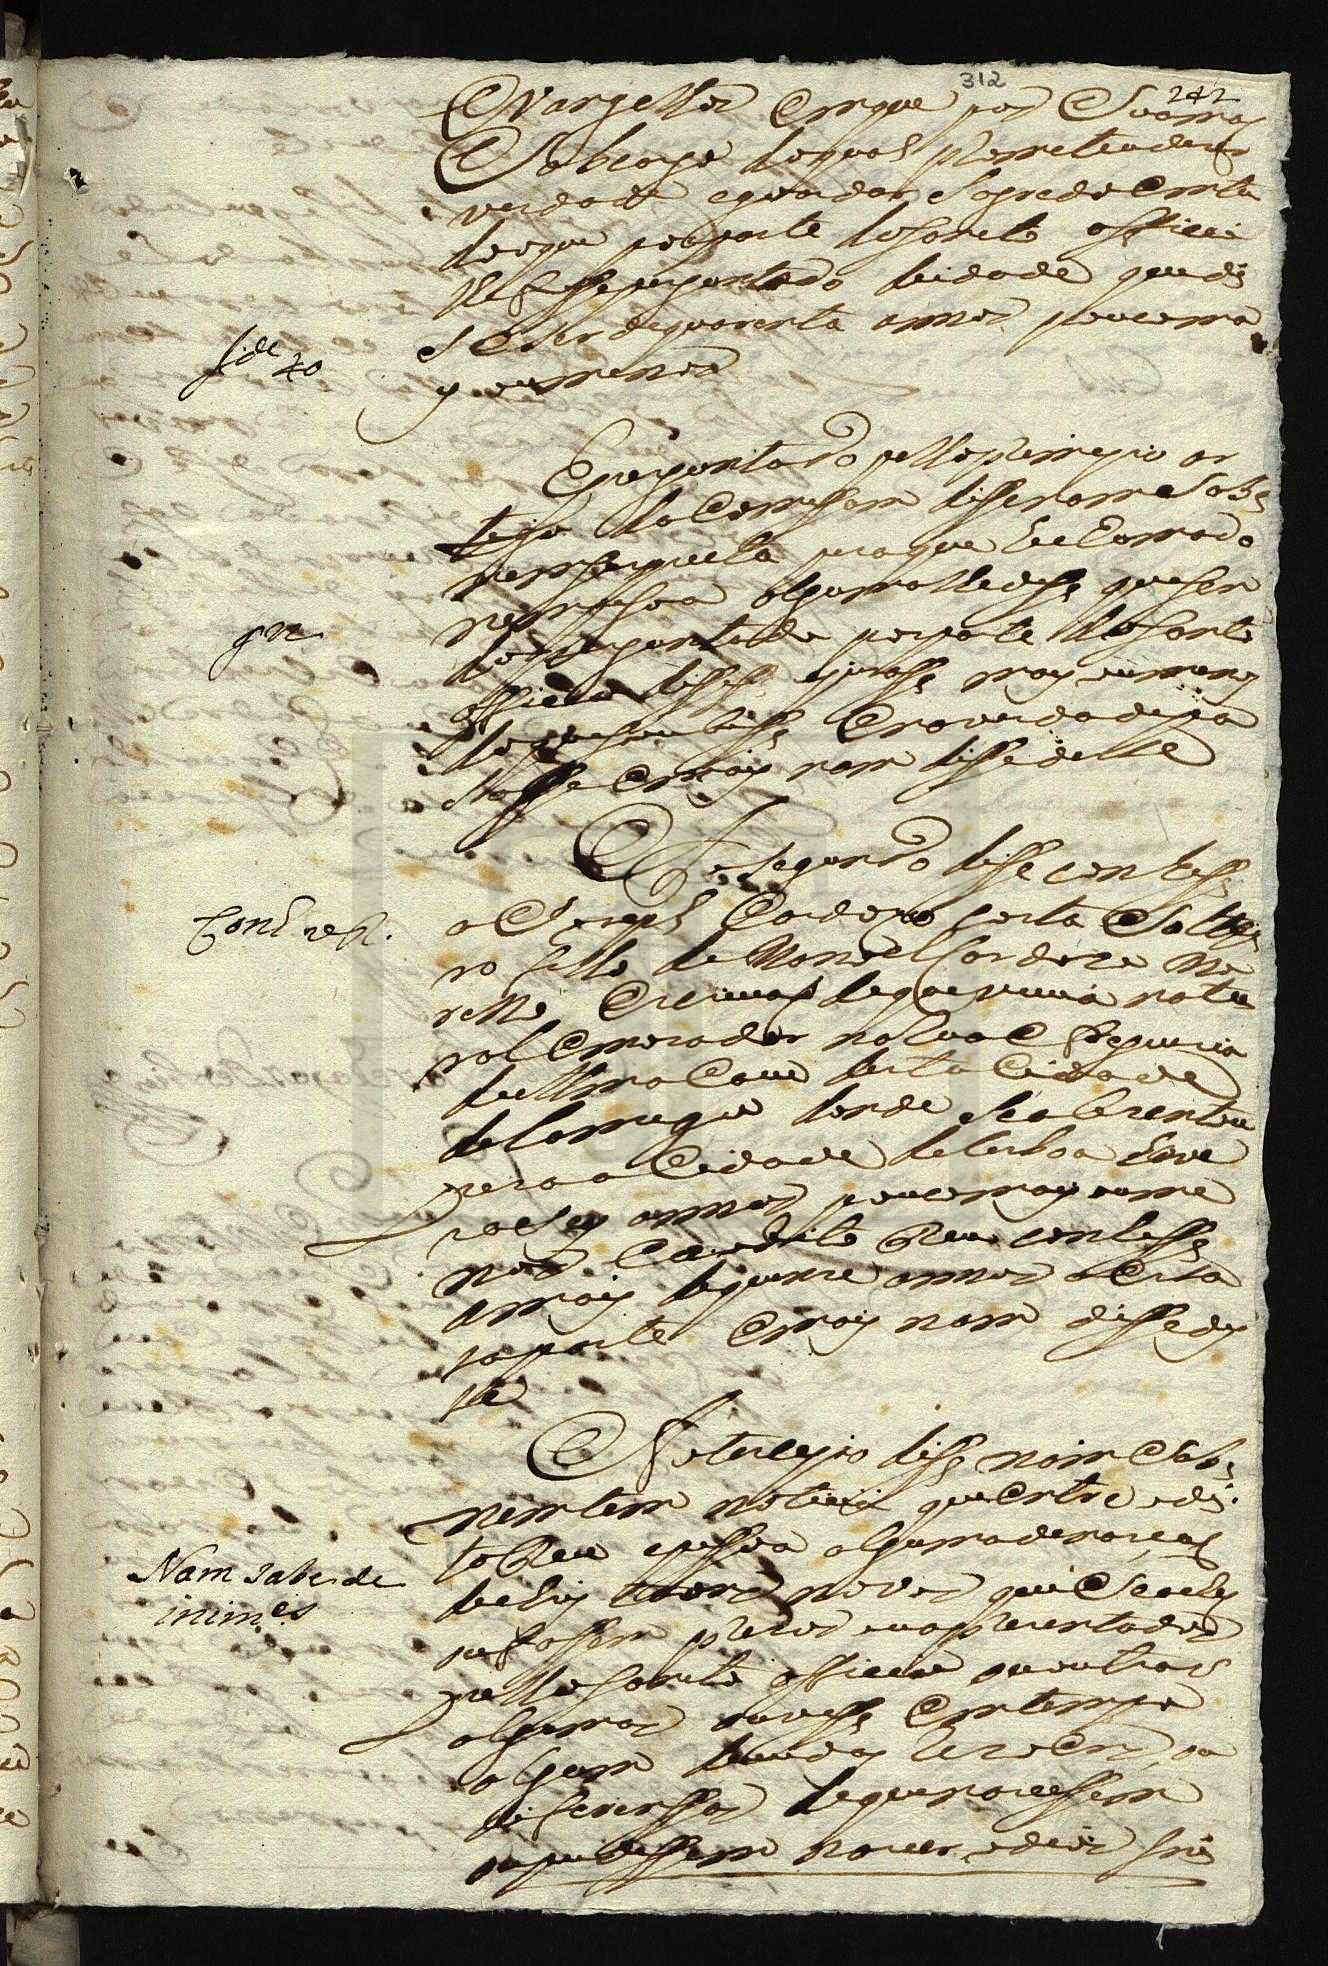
Jde 40
gn
Conh o R.
Nam sabe de
inim.es
Evangelhos em que pos Sua maõ
Sob cago do qual prometeo dizer
verdade e goardar segredo em tu
do o que por parte do sancto officeo
lhe fosse perguntado de idade que di
se ser de quarenta annos pouco ma
is ou menos
E perguntado pello primejro ar
tigo da comessam dise nam sabe
nem suspeita pera que he chamado
nem pesoa alguma lhe disse que sen
do preguntado por parte do santo
officio dissesse e jurasse mais ou menos
do que soubesse E na verdade pa
ssasse e mais nam dise delle
Ao segundo disse conhess
o Izeph Cardozo Costa Soltei
ro filho de Manoel Cardozo mo
reno escriuaõ de que viuia natu
ral e morador na Rua e freguezia
de Almacaue desta cidade
de Lameguo donde se abzentou
pera a Cidade de Lisboa have
ra seis annos pouco mais ou me
nos E ao dito Reu conhesse
a mais de quinze annos a esta
ta parte e mais nam disse des
te
Ao terceiro disse nam sabe
nem tem noticia que entre o di
to Reu e pessoa alguma de naçaõ
de christam novoz que se ache
ou fossem prezos ou aprezentados
pello sancto officio ou outras
algumaz ouvesse em tempo
algum duuidas Rezoens, ou
diferenssas de que nascessem
ou pudessem nascer odeos Jni
